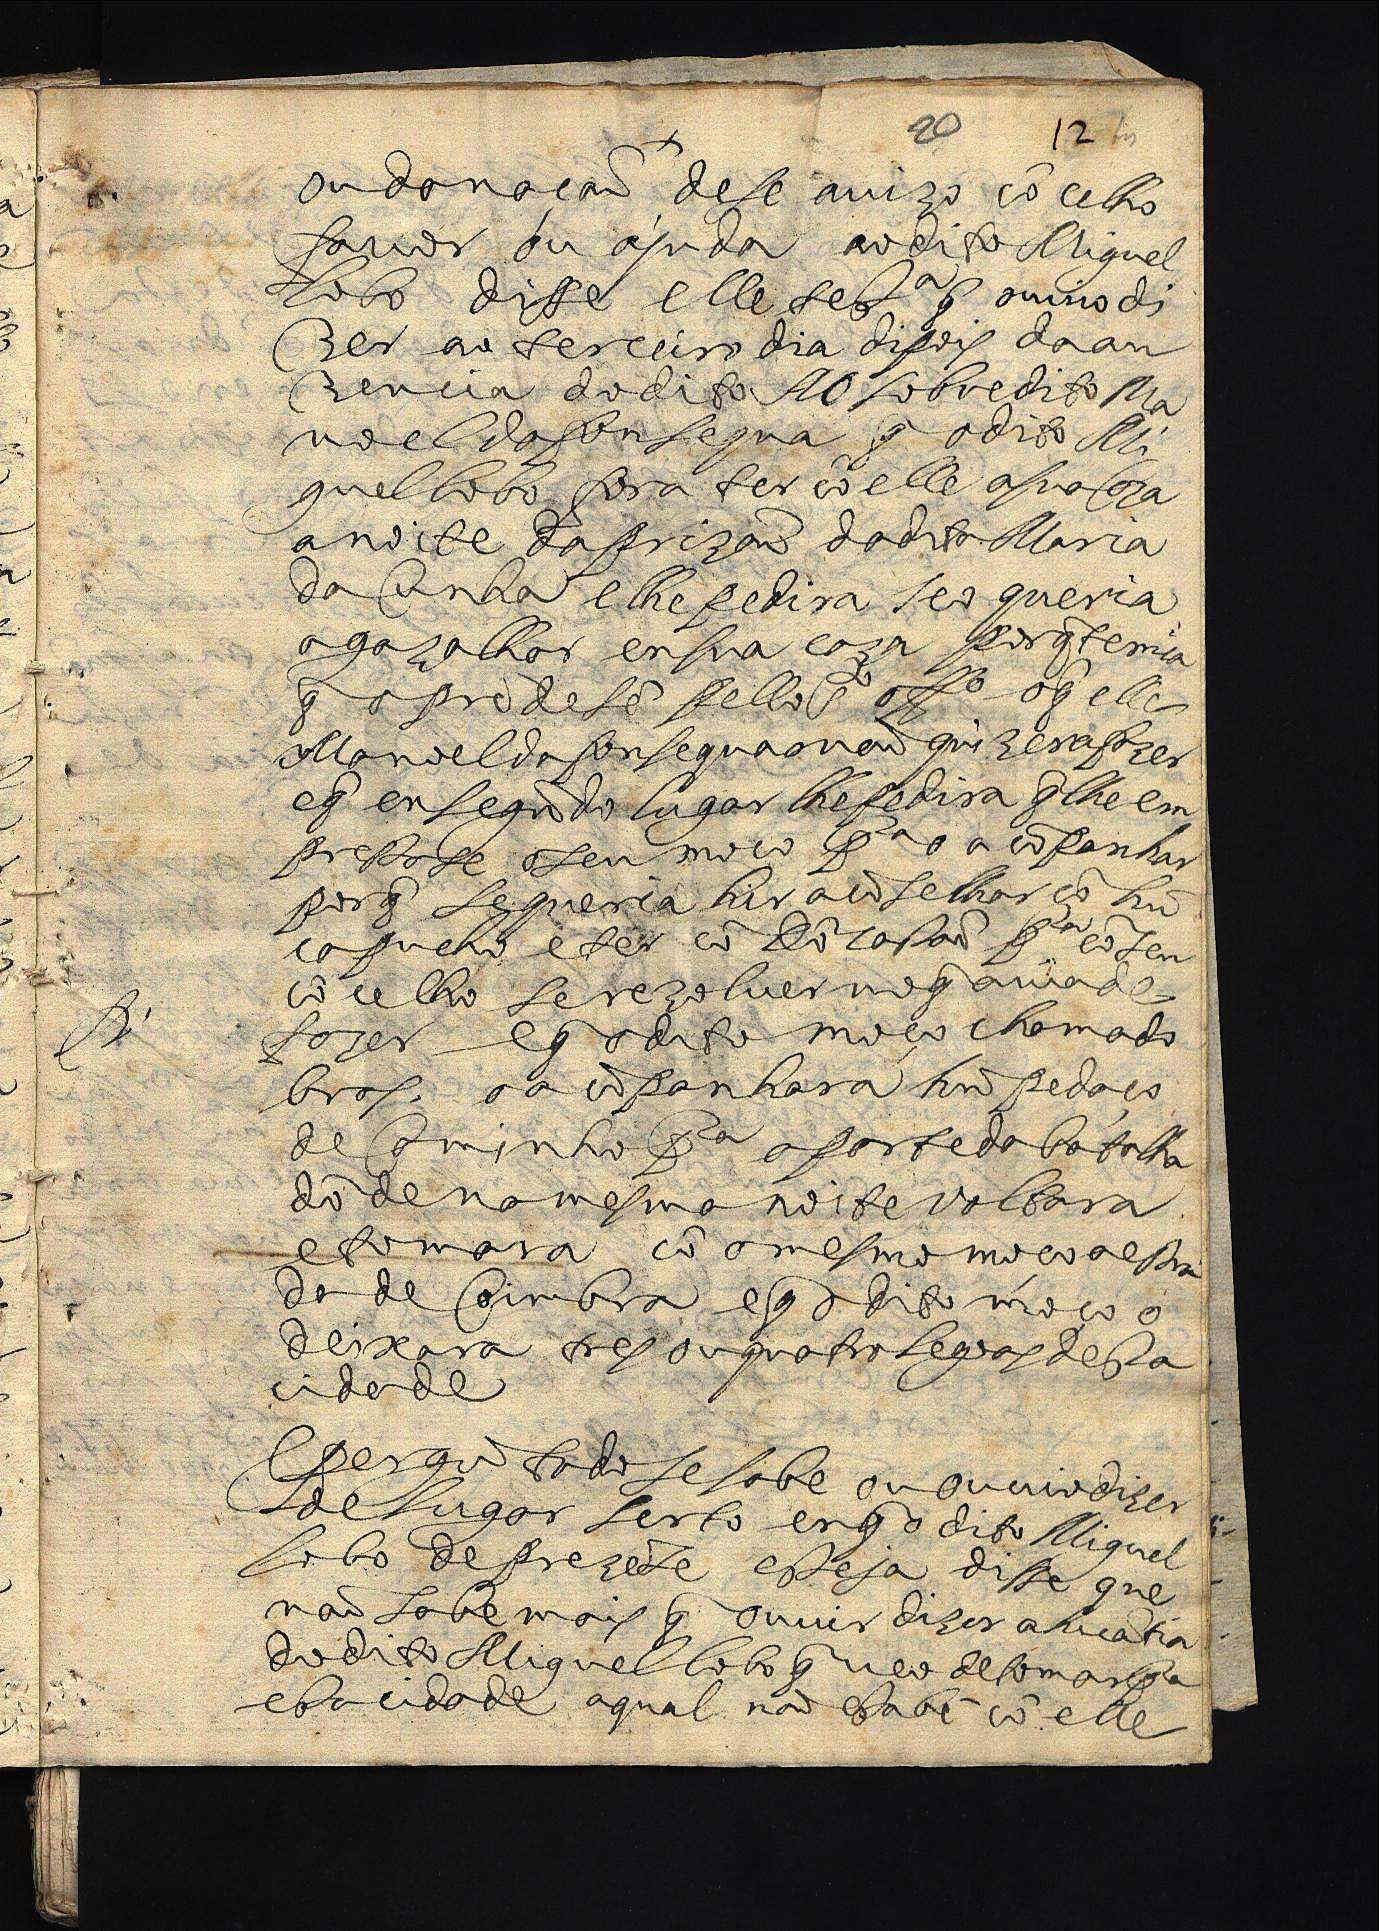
ou danaçaõ dese auizo cōcelho
fauor ou ajuda ao dito Miguel
lobo disse elle testa q̄ ouuio di
zer ao terceiro dia dipois da au
zencia do dito Ao sobredito Ma
noel da fonsequa q̄ o dito Mi
guel lobo fora ter cō elle a sua Caza
a noite da prizão da dita Maria
da Cunha e lhe pedira se o queria
agazalhar en sua caza porq̄ temia
q̄ o prēdesē pello sto offo o q̄ elle
Manoel da fonsequa o naõ quizera fazer
e q̄ en segūdo lugar lhe pedira q̄ lhe em
prestase o seu moço pra o acōpanhar
porq̄ se queria hir acōselhar cō hū
capucho e ter cō Dō castão pra cō seu
cōcelho se rezoluer no q̄ auia de
fazer e q̄ o dito moço chamado
bras o acōpanhara hū pedaço
de Caminho pra a parte da batalha
dōde na mesma noite voltara
e tomara cō o mesmo moço a estra
da de Coimbra e q̄ o dito moço o
deixara tres ou quatro legoas desta
cidade
E pergūtado se sabe ou ouuio dizer
de lugar serto en q̄ o dito Miguel
lobo de prezēte esteja disse que
naõ sabe mais q̄ ouuir dizer a huā tia
do dito Miguel lobo q̄ ueo de tomar pra
esta cidade a qual naõ esta bem cō elle
